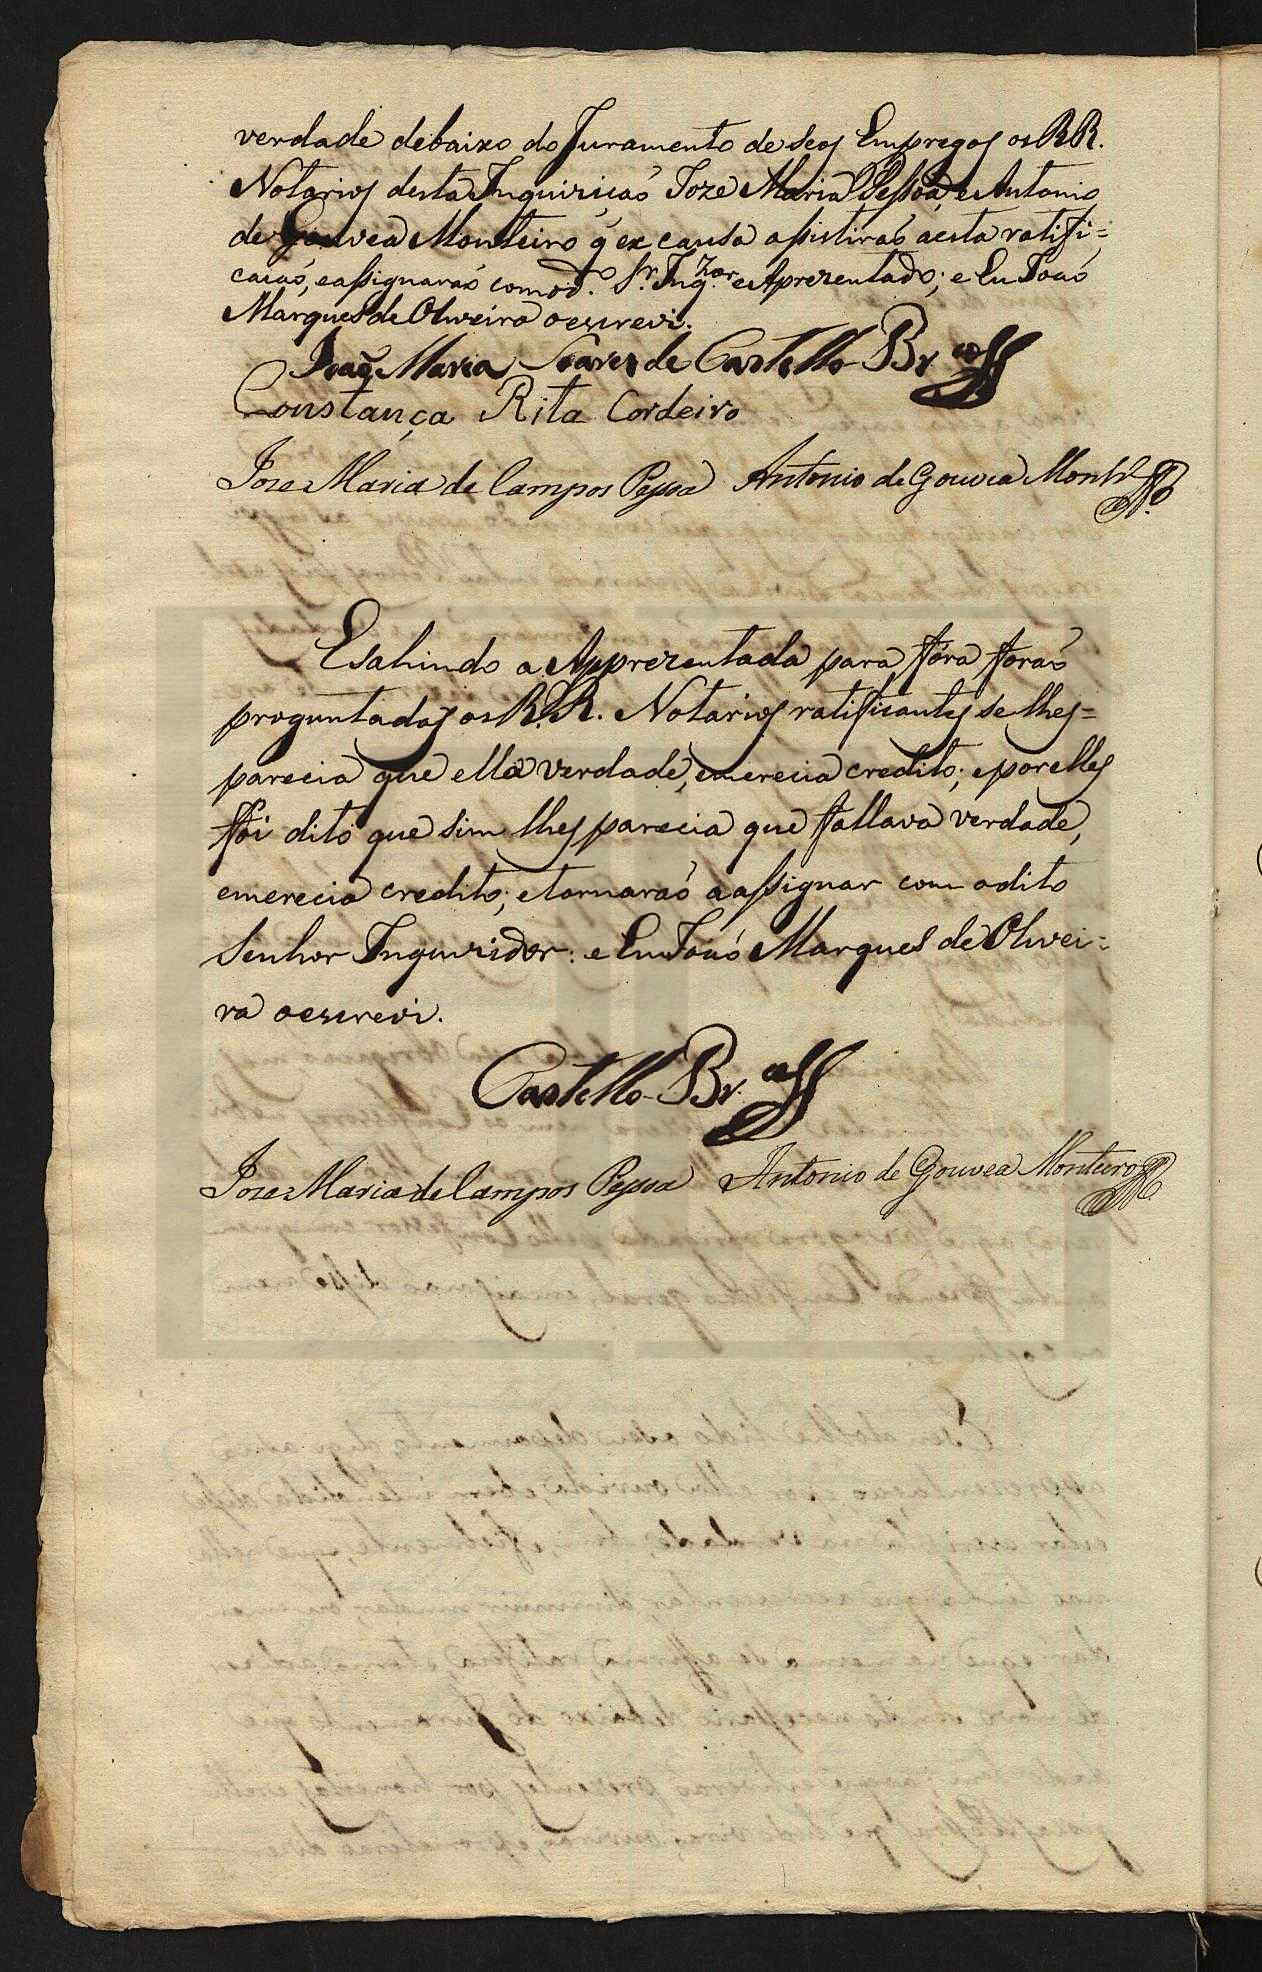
verdade debaixo do Juramento de seos Empregos os RR.
Notarios desta Inquiziçaõ Ioze Maria Pessoa, e Antonio
de Gouvea Monteiro q̄ ex causa assistiraõ a esta ratifi
caçaõ, e assignaraõ com o d.o S.r Inq.zor e Aprezentado; e Eu Ioaõ
Marques de Oliveira o escrevi.
Ioaõ Maria Soares de Castello Br.co
Constança Rita Cordeiro
Ioze Maria de Campos Pessoa Antonio de Gouvea Montr
E sahindo a Apprezentada para fóra foraõ
proguntados os R.R. Notarios ratificantes se lhes
parecia que ella verdade, merecia credito; e por elles
foi dito que sim lhes parecia que fallava verdade,
e merecia credito; e tornaraõ a assignar com o dito
Senhor Inquizidor: e Eu Ioaõ Marques de Olivei
ra o escrevi.
Castello Br.co
Ioze Maria de Campos Pessoa Antonio de Gouvea Monteiro
